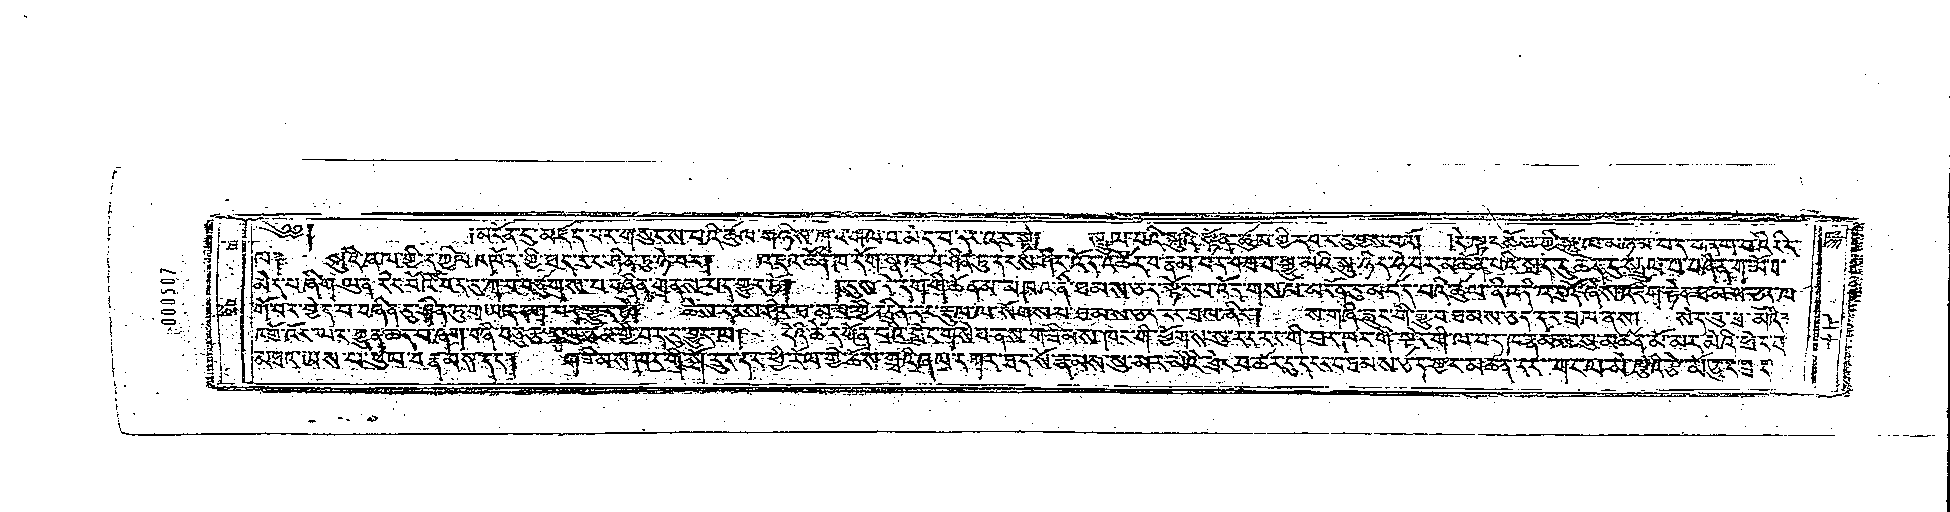༄༅། །མངོན་དུ་མཛད་པར་གསུངས་པའི་ཚུལ་གཉིས་ཀ་འགལ་བ་མེད་བ་དང་འདྲ་སྟེ། སྤྲུལ་པའི་སྐུའི་སྟོན་ཚུལ་གྱི་དབང་དུ་བྱས་པའོ། །དེ་ལྟར་ཆོས་ཀྱི་སྐུ་ལ་མཉམ་པར་བཞག་བའི་རིང་
ལ༑ སྐུའི་ཞལ་གྱི་དཀྱིལ་འཁོར་གྱི་ཐད་དྲང་ཤིན་ཏུ་ཉེ་བར། འཇའ་ཚོན་ཁ་དོག་སྣ་ལྔ་པ་ཤིན་ཏུ་དངས་ཤིང་འོད་འཚོར་བ་རྣམ་པར་བཀྲ་བ་སྒྱུ་མའི་སྐུ་ཉིད་ཉེ་བར་མཆོན་པའི་སླད་དུ་ཆེར་དུ་སྤྲུལ་པ་བཞིན་གཡོ་བ་
མེད་པ་ཞིག་ཡུན་རིང་པོའི་བར་དུ་ཀ་བ་བཙུགས་པ་བཞིན་གནས་པར་གྱུར་ཏོ། །དུས་དེ་དག་གི་ཚེ་ནམ་མཁའ་ནི་ཐམས་ཅད་སྟོང་ཆེར་དུ་སྤྲུལ་པ་བཞིན་གཡོ་བ་མེད་པ་ཞིག་ཡུན་རིང་པོའི་བར་རྟེན་ཐམས་ཅད་ལ་
གོ་བར་བྱེད་བཞིན་དུ་ཤིན་ཏུ་གཡའ་དག་པར་གྱུར་ཏེ། ཆེས་དངས་ཤིང་ཐ་མ་ལ་གྱི་སྤྲིན་དང་རྡུལ་ལ་སོགས་པ་ཐམས་ཅད་དང་བྲལ་ཞིང་། ས་གཞི་རླུང་གི་རྒྱུ་བ་ཐམས་ཅད་དང་བྲལ་ནས། སེར་བུ་ཕྲ་མོའི་
འགྲོ་འོང་ཡང་རྒྱུན་ཆད་པ་ཞག་བཞི་བཅུ་རྩ་དགུ་ཙམ་གྱི་བར་དུ་བྱུང་ལ། དེའི་ཚེ་དགོན་པའི་གླེང་གསེབ་ནས་གཟིམས་ཁང་གི་ཕྱོགས་སུ་དང་རང་གི་བྲང་ཁང་གི་སྟེང་གི་ལ་བད་ཁ་རྣམས་སུ་མཚན་མོ་མར་མེའི་ཕྲེང་བ་
མཐའ་ཡས་པ་ཕུལ་བ་རྣམས་དང་། གཟིམས་ཁང་གི་སྒོ་དྲུང་དང་ཕྱི་རོལ་གྱི་ཆོས་གྲྭའི་ཞལ་དཀར་ཐད་སོ་རྣམས་སུ་མར་མེའི་ཕྲེང་བ་ཚར་དུ་དངར་བ་ཐམས་ཅད་ཀྱང་མཚན་དང་གང་ལ་མེ་ལྕེའི་རྩེ་མོ་ཅུང་ཟད་